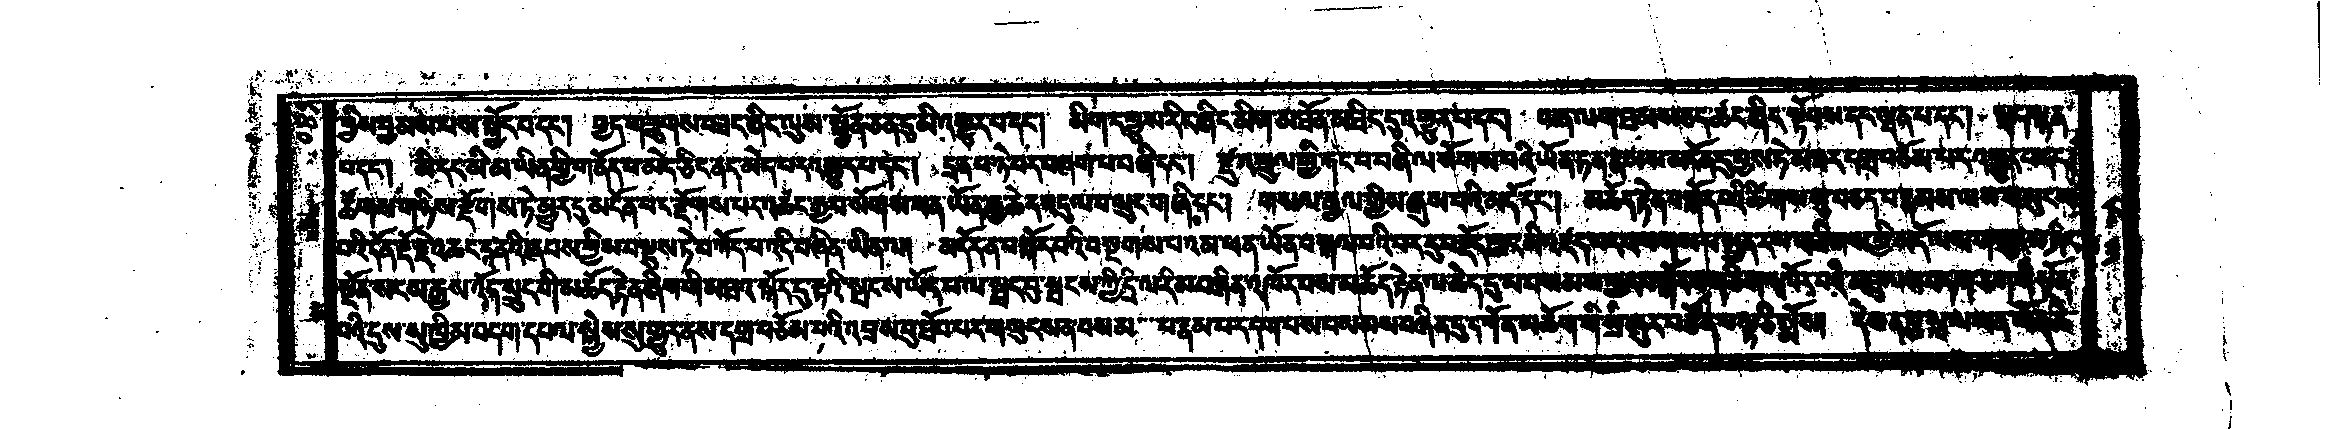ཀྱིས་བྱམས་པས་སྐྱོང་བ་དང་། བྱད་གཟུགས་བཟང་ཞིང་ལུས་སྐྱོན་ཅན་དུ་མི་འགྱུར་པ་དང་། མིག་དཀྱུས་རིང་ཞིང་མིག་མཐོན་མཐིང་དུ་འགྱུར་པ་དང་། ཡན་ལག་ཐམས་ཅད་ཚང་ཞིང་སྟོབས་དང་ལྡན་པ་དང་། སྐད་སྙན་
པ་དང་། མི་དང་མི་མ་ཡིན་གྱི་གནོད་པ་མེད་ཅིང་ནད་མེད་པར་འགྱུར་པ་དང་། དྲན་པ་ཉེ་བར་བཞག་པ་བཞི་དང་། རྫུ་འཕྲུལ་གྱི་རྐང་པ་བཞི་ལ་སོགས་པའི་ཡོན་ཏན་རྣམས་མངོན་དུ་བྱས་ཏེ་མཐར་དགྲ་བཅོམ་པར་འགྱུར་པ་དང་།
ཚོགས་གཉིས་རྫོགས་ཏེ་མྱུར་དུ་མངོན་པར་རྫོགས་པར་འཚང་རྒྱ་བ་སོགས་ཕན་ཡོན་རྒྱ་ཆེར་འདུལ་བ་ལུང་གཞི་དང་། གསལ་རྒྱལ་གྱིས་ཞུས་པའི་མདོ་དང་། མཆོད་རྟེན་བསྐོར་བའི་ཚིགས་སུ་བཅད་པ་རྣམས་ལས་གསུངས་
བའི་དོན་རྡོ་རྗེ་འཆང་དཱ་ནའི་ཞབས་ཀྱིས་བསྡུས་ཏེ་བཀོད་པ་འདི་བཞིན་ཡིན་ལ། མདོར་ན་བསྐོར་བའི་བསྔགས་པ་འམ་ཕན་ཡོན་བསྐལ་པའི་བར་དུ་བརྗོད་ཀྱང་མི་འཛད་པར་འཕགས་པ་སྤྱན་རས་གཟིགས་ཀྱི་མདོ་ལས་གསུངས་ཤིང་
སྔོན་སངས་རྒྱས་འོད་སྲུང་གི་མཆོད་རྟེན་ཞིག་གི་མཐའ་སྐོར་དུ་རྟའི་སྤངས་ཡོད་པ་ལ་སྦྲང་བུ་སྤངས?་ཀྱི་དྲི་ལ་རིམ་བཞིན་འཁོར་བས་མཆོད་རྟེན་ལ་ཆེད་དུ་མ་བསམས་ཀྱང་བསྐོར་བ་གཅིག་འཁོར་བའི་མཐུ་ལས་བདག་ཅག་གི་སྟོན་
པའི་དུས་སུ་ཁྱིམ་བདག་དཔལ་སྐྱེས་སུ་གྱུར་ནས་དགྲ་བཅོམ་པའི་འབྲས་བུ་ཐོབ་པར་གསུངས་ན་བསམ་པ་རྣམ་པར་དག་པས་བསམས་བཞིན་དྲ?་དཀོན་མཆོག་གི་སྲི་ཞུར་བརྩོན་པ་ལྟ་ཅི་སྨོས། དེས་ན་བྱ་སླ་ལ་ཕན་ཡོན་ཆེ་